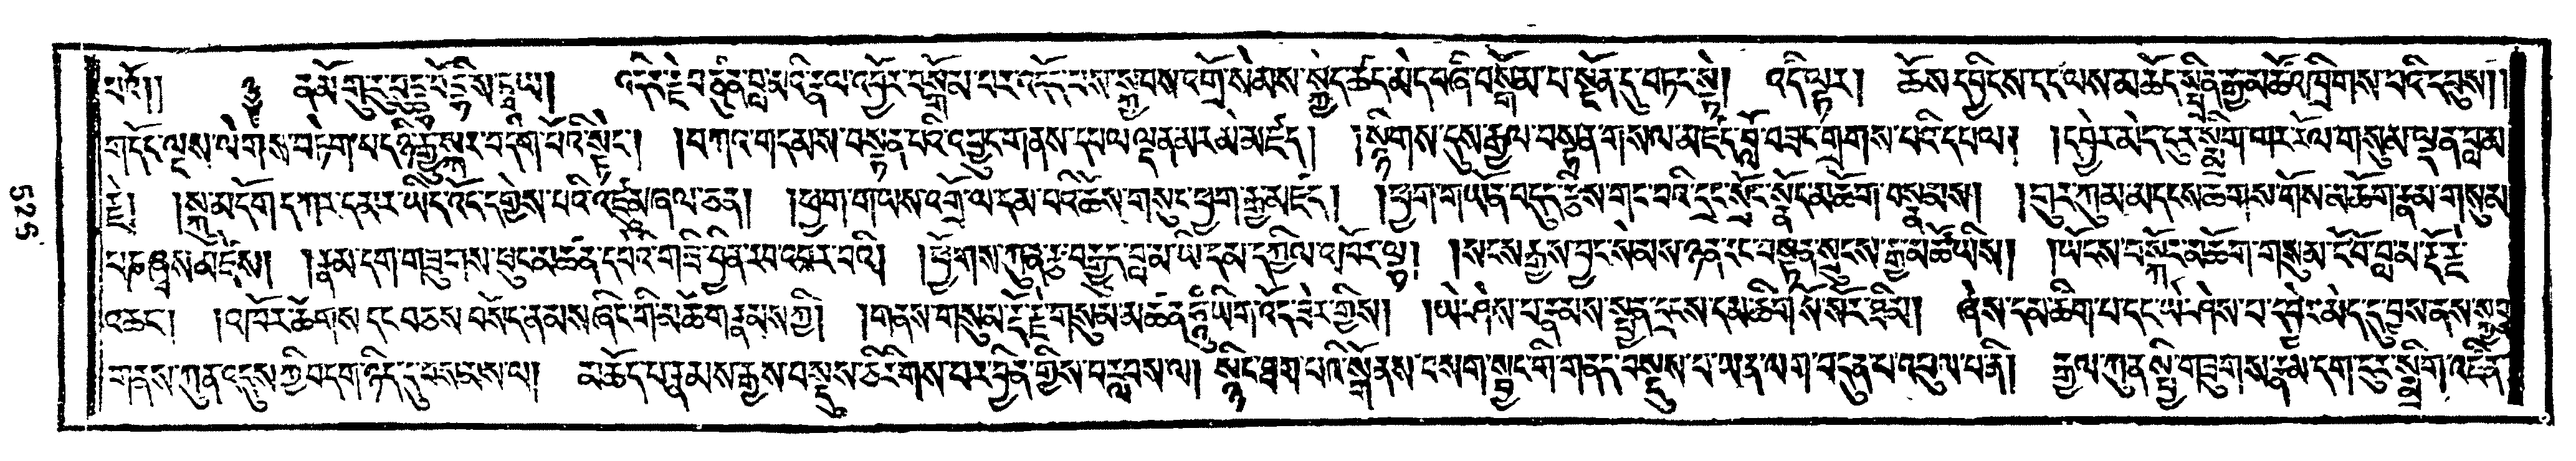པའོ། ། ༈ ན་མོ་གུ་རུ་བུདྡྷ་བོ་དྷི་ས་ཏྭཱ་ཡ། འདིར་རྗེ་བཙུན་བླ་མའི་རྣལ་འབྱོར་བསྒོམ་པར་འདོད་པས་སྐྱབས་འགྲོ་སེམས་སྐྱེད་ཚད་མེད་བཞི་བསྒོམ་པ་སྔོན་དུ་བཏང་སྟེ། འདི་ལྟར། ཆོས་དབྱིངས་ངང་ལས་མཆོད་སྤྲིན་རྒྱ་མཚོ་འཁྲིགས་པའི་དབུས།།
གདོང་ལྔས་ལེགས་བཏེག་པད་ཉི་རྒྱུ་སྐར་བདག་པོའི་སྟེང་། །བཀའ་གདམས་བསྟན་པའི་འབྱུང་གནས་དཔལ་ལྡན་མར་མེ་མཛད། །སྙིགས་དུས་རྒྱལ་བསྟན་གསལ་མཛད་བློ་བཟང་གྲགས་པའི་དཔལ། །དབྱེར་མེད་ངུར་སྨྲིག་གར་རོལ་གསུམ་ལྡན་བླ་མ་
རྗེ། །སྐུ་མདོག་དཀར་དམར་ཡིད་འོང་དགྱེས་པའི་འཛུམ་ཞལ་ཅན། །ཕྱག་གཡས་འགྲོ་ལ་དམ་པའི་ཆོས་གསུང་ཕྱག་རྒྱ་མཛད། །ཕྱག་གཡོན་བདུད་རྩིས་གང་བའི་དྲང་སྲོང་སྣོང་མཆོག་བསྣམས། །གུར་ཀུམ་མདངས་ཆགས་གོས་མཆོག་རྣམ་གསུམ་
པཎ་ཞྭས་མཛེས། །རྣམ་དག་གཟུགས་ཕུང་མཚན་དེའི་གཟི་བྱིན་རབ་འབར་བའི། །ཕྱོགས་ཀུན་རྩ་བརྒྱུད་བླ་མ་ཡི་དམ་དཀྱིལ་འཁོར་ལྷ། །སངས་རྒྱས་བྱང་སེམས་ཉན་རང་བསྟན་སྲུངས་རྒྱ་མཚོ་ཡིས། །ཡོངས་བསྐོར་མཆོག་གསུམ་ངོ་བོ་བླ་མ་རྡོ་རྗེ་
འཆང་། །འཁོར་ཆོགས་དང་བཅས་བསོད་ནམས་ཞིང་གི་མཆོག་རྣམས་ཀྱི། །གནས་གསུམ་རྡོ་རྗེ་གསུམ་མཚན་ཧཱུཾ་ཡིག་འོད་ཟེར་གྱིས། །ཡེ་ཤེས་པ་རྣམས་སྤྱན་དྲངས་དམ་ཚིག་སོ་སོར་ཐིམ། ཞེས་དམ་ཚིག་པ་དང་ཡེ་ཤེས་པ་དབྱེར་མེད་དུ་བྱས་ནས་སྐྱབས་
གནས་ཀུན་འདུས་ཀྱི་བདག་ཉིད་དུ་བསམས་ལ། མཆོད་པ་རྣམས་རྒྱས་བསྡུས་ཅི་རིགས་པར་བྱིན་གྱིས་བརླབས་ལ། སྙིང་ཐག་པའི་སྒོ་ནས་བསག་སྦྱང་གི་གནད་བསྡུས་པ་ཡན་ལག་བདུན་པ་འབུལ་བ་ནི། རྒྱལ་ཀུན་སྤྱི་གཟུགས་རྣམ་དག་ངུར་སྨྲིག་འཛིན་